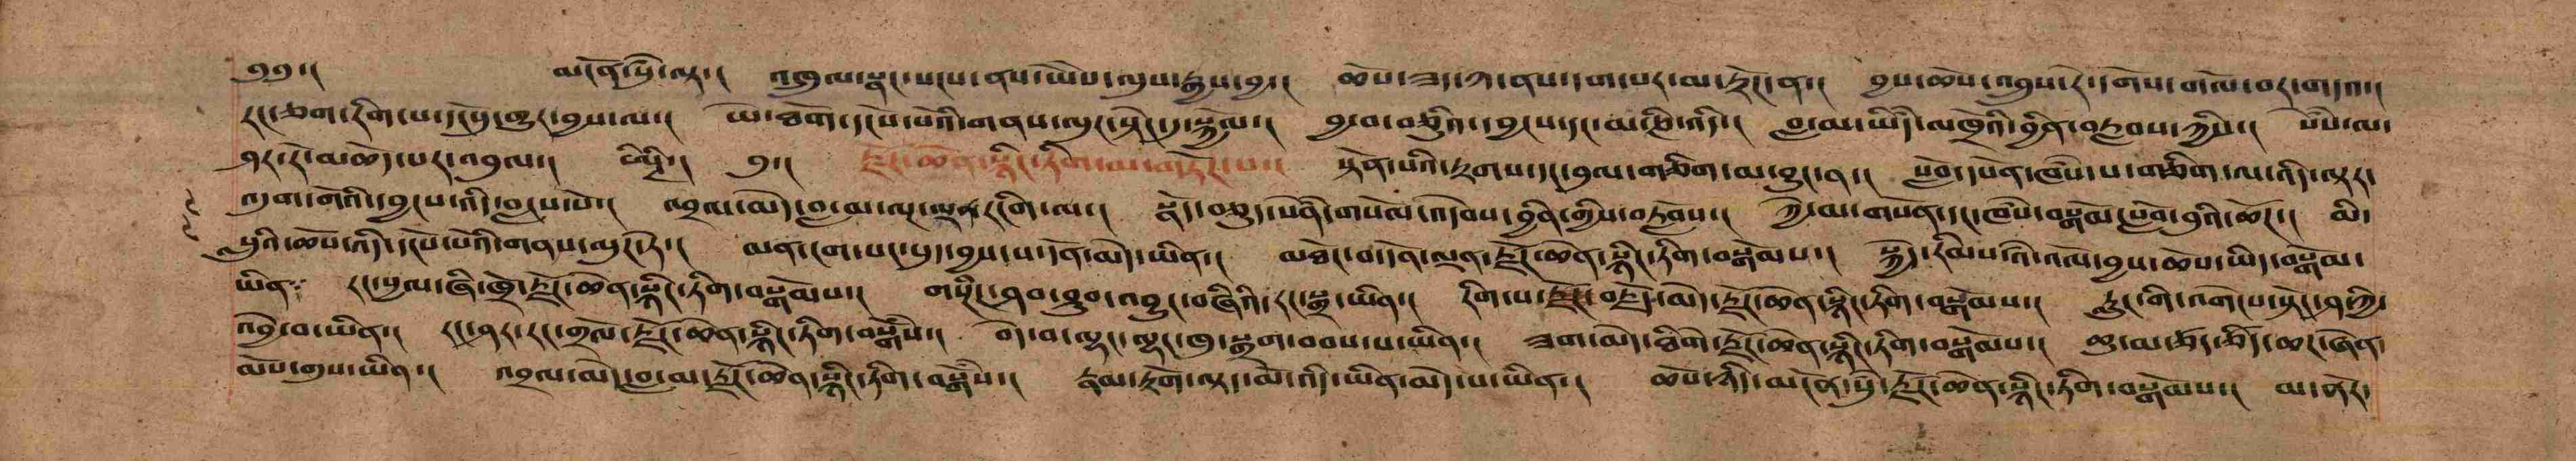༄༅།། མངོན་སུམ་ལྟ།། འཁྲུལ་སྣང་སངས་ནས་ཡེ་ཤེས་ལུས་རྒྱས་བྱ།། ཆོས་ཟད་ཀ་ནས་དག་པར་མ་རྟོགས་ན།། བྱས་ཆོས་འབྲས་བུ་རེ་དོགས་གོལ་བར་གདའ།། 
རང་ཅག་རིག་པ་དངོས་སུ་གྱུར་བྱས་ལ།། ཡེ་ཐོག་དངོས་པོའི་གནས་ལུགས་སྟེང་དུ་སྐྱོལ།། བྱ་བ་བཅུ་ཡི་དབྱངས་དང་མ་ཎི་འདི།། བླ་མ་ཡིད་དམ་མཁའ་འགྲོའི་བྱིན་རླབས་ཀྱིས།། སེམས་ལ་
ཤར་རོ་མཆོད་པར་འབུལ།། ཨིཊི།། ༄་། རྫོགས་ཆེན་སྙིང་ཏིག་མ་གཏོགས་པ།། སྟོན་པའི་རྟགས་དང་བུལ་གཅིག་མ་བྱུང་ན།། སློབ་དཔོན་ཁམས་པ་གཅིག་ལ་འདི་ལྟར་
འདུག་གོའི་དབྱངས་འདི་བླངས་སོ།། འབྲལ་མེད་བླ་མ་ལྔ་ལྡན་རང་རིག་ལ།། སྣོད་བཅུད་སེམས་ཅན་གསོལ་འདེབས་བྱིན་གྱིས་རློབས།། ཀྱེ་མ་གསོན་དང་ཁམས་བསྒོམ་སློབ་བུའི་ཚོགས།། མི་
བསླུའི་ཆོས་འདི་དངོས་པོའི་གནས་ལུགས་ཏེ།། མན་ངག་སང་པུད་བྱས་པ་དོན་མེད་ཡིན།། མཐོང་བ་དོན་ལྡན་རྫོགས་ཆེན་སྙིང་ཏིག་བསྒོམས།། བསྐྱེད་རིམ་འི་འོལ་བྱས་ཆོས་ཡིད་བསྒོམ་
ཡིན།། རང་གསལ་ཞི་ཁྲོ་རྫོགས་ཆེན་སྙིང་ཏིག་བསྒོམས།། གསང་སྔགས་ཤབ་ཤུབ་འབྱུང་བཞིའི་རང་སྒྲ་ཡིན།། རིག་པ་བརྗོད་མེད་རྫོགས་ཆེན་སྙིང་ཏིག་བསྒོམས།། རླུང་གི་འགེངས་སྟེང་ཤ་ཀྱི་
འབྱེ་བ་ཡིན།། རང་ཤར་རང་གྲོལ་རྫོགས་ཆེན་སྙིང་ཏིག་བསྒོམས།། བདེ་བ་ལྷང་ལྷང་ཁུ་སྒྲག་བབས་པ་ཡིན།། ཟག་མེད་ཐིག་ལེ་རྫོགས་ཆེན་སྙིང་ཏིག་བསྒོམས།། ཆུ་མ་ཙད་ཙིད་ཆགས་ཞེན་
མོས་གུས་ཡིན།། འབྲལ་མེད་བླ་མ་རྫོགས་ཆེན་སྙིང་ཏིག་བསྒོམས།། རྣམ་རྟོག་ལྟད་མོ་འདི་ཡིན་མེད་པ་ཡིན།། ཆོས་ཉིད་མངོན་སུམ་རྫོགས་ཆེན་སྙིང་ཏིག་བསྒོམས།། མ་ནོར་